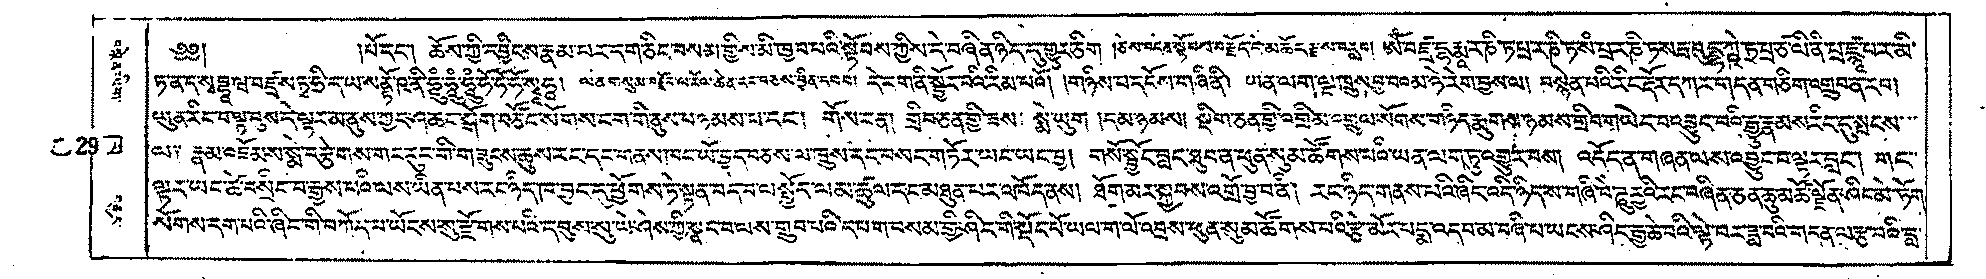༄༅། །པོ་དང་། ཆོས་ཀྱི་དབྱིངས་རྣམ་པར་དག་ཅིང་བསམ་གྱིས་མི་ཁྱབ་པའི་སྟོབས་ཀྱིས་དེ་བཞིན་ཉིད་དུ་གྱུར་ཅིག་།ཅེས་བདེན་སྟོབས་བརྗོད་དེ་མཆོད་རྫས་བརླབ།  ཨོཾ་བྫྲ་དྷརྨཱ་ར་ཎི་ཏ་པྲ་ར་ཎི་ཏ་སཾ་པྲ་ར་ཎི་ཏ་སརྦ་བུདྡྷ་ཀྵེ་ཏྲ་པྲ་ཙ་ལི་ནི་པྲ་ཛྙཱ་པ་ར་མི་
ཏ་ན་ད་སྭ་བྷཱ་ཝ་བྫྲ་སཏྭ་ཧྲི་ད་ཡ་སནྟོ་ཥ་ནི་ཧཱུཾ་ཧཱུཾ་ཧཱུཾ་ཧོ་ཧོ་ཧོ་སྭཱཧཱ། ལན་གསུམ་བརྗོད་ལ་རོལ་ཆེན་དང་བཅས་བྱིན་དབབ།  དེ་དག་ནི་སྦྱོར་བའི་རིམ་པའོ། །གཉིས་པ་དངོས་གཞི་ནི། ཡན་ལག་ལྔ་ཁྲུས་བྱ་བའམ་ཉེ་རེག་བྱས་ལ། བསྙེན་པའི་རིང་རྡོར་དཀར་གདན་གཅིག་འགྲུབ་ན་རབ།
ཡུན་རིང་བ་ལྟ་བུས་དེ་ལྟར་མ་ནུས་ཀྱང་ཤ་ཆང་སྒོག་བཙོང་སོགས་ངག་གི་ནུས་པ་ཉམས་པ་དང་། གོས་ངན། གྲིབ་ཅན་གྱི་ཟས། སྨེ་ཡུག །དམ་ཉམས། སྡིག་ཅན་གྱི་འགྲིམ་འགྲུལ་སོགས་གཉིད་རྨུགས་ཉམས་གྲིབ་གཡེང་བ་འབྱུང་བའི་རྒྱུ་རྣམས་རིང་དུ་སྤངྶ་་་
ལ༑ རྣམ་འཇོམས་སྨེ་བརྩེགས་གང་རུང་གི་གཟུངས་ཆུས་རང་དང་གནས་ཁང་ཡོ་བྱད་བཅས་ལ་ཁྲུས་དང་བསང་གཏོར་ཡང་ཡང་བྱ། གསོ་སྦྱོང་བླང་ཐུབ་ན་ཕུན་སུམ་ཚོགས་པའི་ཡན་ལག་ཏུ་འགྱུར་བས། འདོད་ན་གཞན་ལས་འབྱུང་བ་ལྟར་བླང་། གང་་་
ལྟར་ཡང་ཚེ་བསྲིང་བ་རྒྱས་པའི་ལས་ཡིན་པས་རང་ཉིད་ཁ་བྱང་དུ་ཕྱོགས་ཏེ་སྟན་བདེ་བ་ལ་སྤྱོད་ལམ་ཚུལ་དང་མཐུན་པར་འཁོད་ནས། ཐོག་མར་སྐྱབས་འགྲོ་བྱ་བ་ནི། རང་ཉིད་གནས་པའི་ཞིང་འདི་ཉིད་ས་གཞི་བཻ་ཌཱུརྱཱི་རང་བཞིན་ཅན་ཆུ་མཚོ་ལྗོན་ཤིང་མེ་ཏོག་
སོགས་དག་པའི་ཞིང་གི་བཀོད་པ་ཡོངས་སུ་རྫོགས་པའི་དབུས་སུ་ཡེ་ཤེས་ཀྱི་སྣང་བ་ལས་གྲུབ་པའི་དཔག་བསམ་གྱི་ཤིང་གི་སྡོང་པོ་ཡལ་ག་ལོ་འབྲས་ཕུན་སུམ་ཚོགས་པའི་རྩེ་མོར་པདམ་འདབ་མ་བཞི་པ་ཡངས་ཤིང་རྒྱ་ཆེ་བའི་ལྟེ་བར་ཟླ་བའི་གདན་ལ་རྩ་བ་བླ་